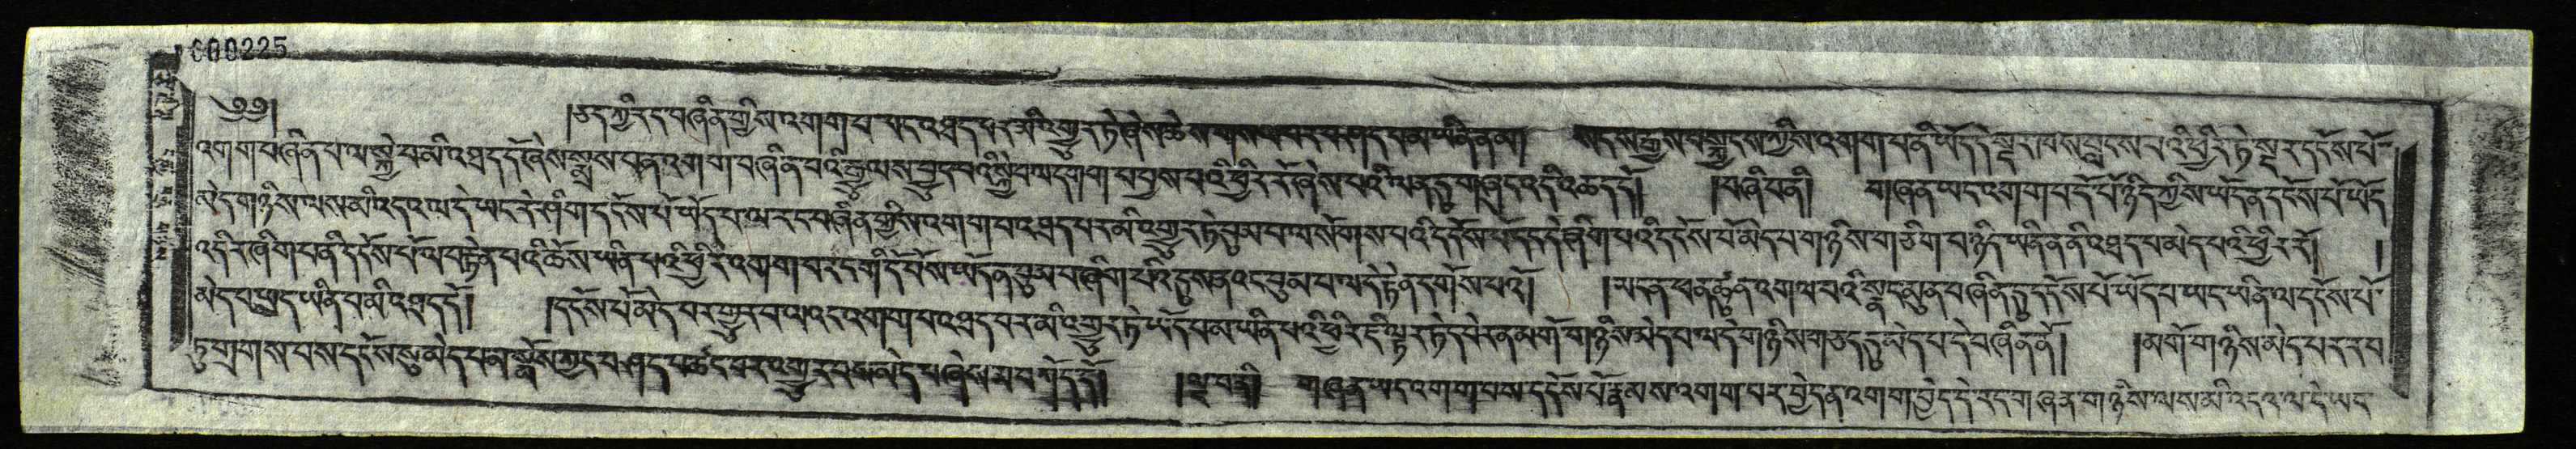༄༅། །ཅད་ཀྱི་རང་བཞིན་གྱིས་འགག་པ་ཡང་འཐད་པར་མི་འགྱུར་ཏེ་ཞེས་ཆེས་གསལ་བར་བཤད་པ་མ་ཡིན་ནམ། སངས་རྒྱས་བསྐྱངས་ཀྱིས་འགག་པ་ནི་ཡོད་དེ་སྔར་ཁས་བླངས་པའི་ཕྱིར་ཏེ་སྔར་དངོས་པོ་
འགག་བཞིན་པ་ལ་སྐྱེ་བ་མི་འཐད་དོ་ཞེས་སྨྲས་པ་ན་འགག་བཞིན་པའི་རྒྱུ་ལས་བྱུང་བའི་སྐྱེ་བ་ལ་དགག་པ་བྱས་པའི་ཕྱིར་རོ་ཞེས་པའི་ལན་དུ་གཞུང་འདི་འཆད་དོ། །བཞི་པ་ནི། གཞན་ཡང་འགག་པ་ངོ་བོ་ཉིད་ཀྱིས་ཡོད་ན་དངོས་པོ་ཡོད་
མེད་གཉིས་ལས་མི་འདའ་ལ་དེ་ཡང་རེ་ཤིག་དངོས་པོ་ཡོད་པ་ལ་རང་བཞིན་གྱིས་འགག་པ་འཐད་པར་མི་འགྱུར་ཏེ་བུམ་པ་ལ་སོགས་པའི་དངོས་པོ་དང་དེ་ཞིག་པའི་དངོས་པོ་མེད་པ་གཉིས་གཅིག་པ་ཉིད་ཡིན་ན་ནི་འཐད་པ་མེད་པའི་ཕྱིར་རོ། །
འདིར་ཞིག་པ་ནི་དངོས་པོ་ལ་བརྟེན་པའི་ཆོས་ཡིན་པའི་ཕྱིར་འགག་པ་རང་གི་ངོ་བོས་ཡོད་ན་བུམ་པ་ཞིག་པའི་དུས་ནའང་བུམ་པ་ལ་དེ་རྟེན་དགོས་པའོ། །ཡང་ན་ཕན་ཚུན་འགལ་བའི་སྣང་མུན་བཞིན་དུ་དངོས་པོ་ཡོད་པ་ཡང་ཡིན་ལ་དངོས་པོ་
མེད་པ་ཡང་ཡིན་པ་མི་འཐད་དོ། །དངོས་པོ་མེད་པར་གྱུར་པ་ལའང་འགག་པ་འཐད་པར་མི་འགྱུར་ཏེ་ཡོད་པ་མ་ཡིན་པའི་ཕྱིར་ཇི་ལྟར་ཏེ་དཔེར་ན་མགོ་གཉིས་མེད་པ་ལ་དེ་གཉིས་གཅད་དུ་མེད་པ་དེ་བཞིན་ནོ། །མགོ་གཉིས་མེད་པར་རབ་
ཏུ་གྲགས་པས་དངོས་སུ་མེད་པ་མ་སྨོས་ཀྱང་བཤད་པ་ཚང་བར་འགྱུར་བས་མེད་པ་ཞེས་པ་བཀོད་དོ། །ལྔ་པ་ནི། གཞན་ཡང་འགག་པས་དངོས་པོ་རྣམས་འགག་པར་བྱེད་ན་འགག་བྱེད་དེ་རང་གཞན་གཉིས་ལས་མི་འདའ་ལ་དེ་ཡང་